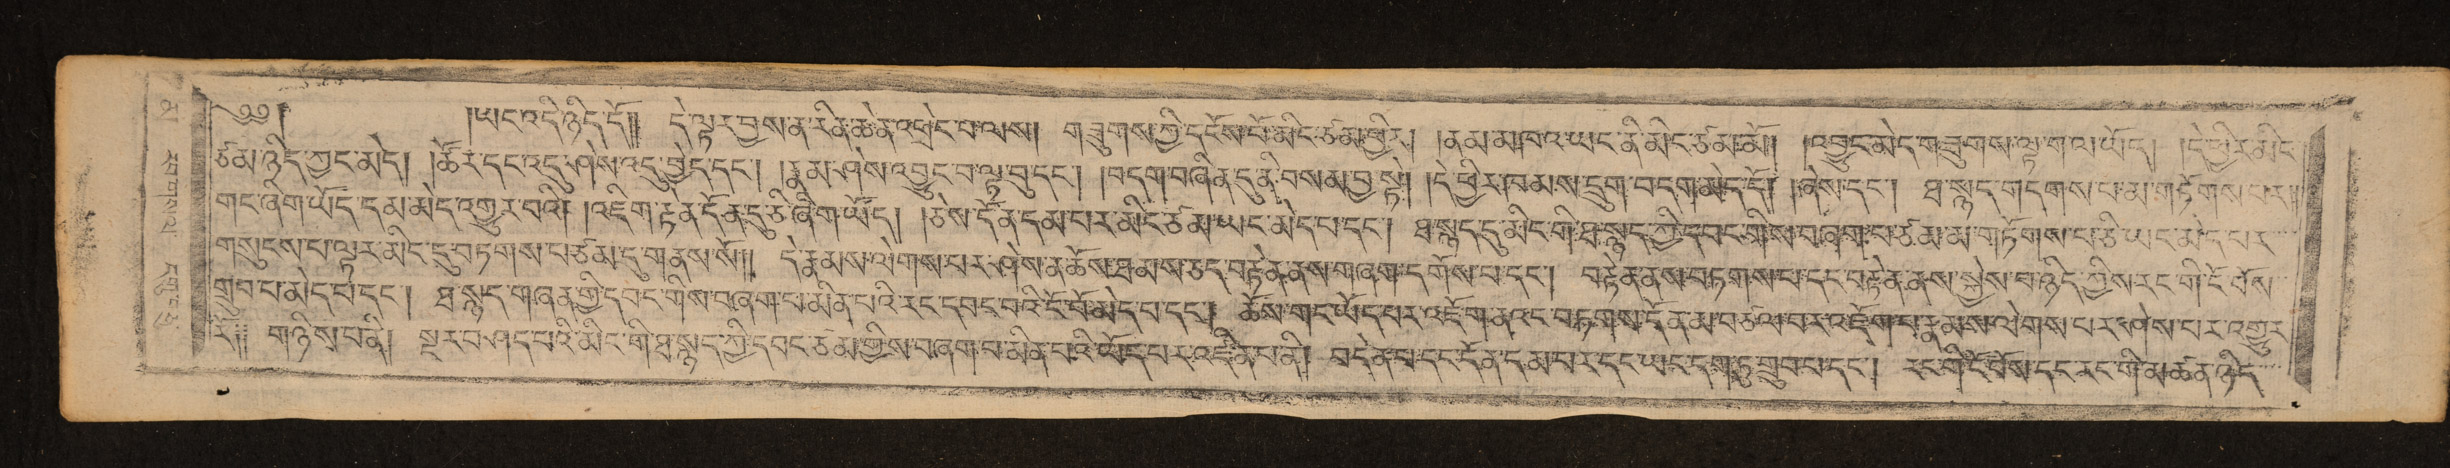༄༅། །ཡང་འདི་ཉིད་དོ།། དེ་ལྟར་བྱས་ན་རིན་ཆེན་འཕྲེང་བ་ལས། གཟུགས་ཀྱི་དངོས་པོ་མིང་ཙམ་ཕྱིར། །ནམ་མཁའ་ཡང་ནི་མིང་ཙམ་མོ། །འབྱུང་མེད་གཟུགས་ལྟ་ག་ལ་ཡོད། །དེ་ཕྱིར་མིང་
ཙམ་ཉིད་ཀྱང་མེད། །ཚོར་དང་འདུ་ཤེས་འདུ་བྱེད་དང་། །རྣམ་ཤེས་འབྱུང་བ་ལྟ་བུ་དང་། །བདག་བཞིན་དུ་ནི་བསམ་བྱ་སྟེ། །དེ་ཕྱིར་ཁམས་དྲུག་བདག་མེད་དོ། །ཞེས་དང་། ཐ་སྙད་གདགས་པ་མ་གཏོགས་པར།།
གང་ཞིག་ཡོད་དམ་མེད་འགྱུར་བའི། །འཇིག་རྟེན་དོན་དུ་ཅི་ཞིག་ཡོད། །ཅེས་དོན་དམ་པར་མིང་ཙམ་ཡང་མེད་པ་དང་། ཐ་སྙད་དུ་མིང་གི་ཐ་སྙད་ཀྱི་དབང་གིས་བཞག་པ་ཙམ་མ་གཏོགས་པ་ཅི་ཡང་མེད་པར་
གསུངས་པ་ལྟར་མིང་དུ་བཏགས་པ་ཙམ་དུ་གནས་སོ།། དེ་རྣམས་ལེགས་པར་ཤེས་ན་ཆོས་ཐམས་ཅད་བརྟེན་ནས་གཞག་དགོས་པ་དང་། བརྟེན་ནས་བཏགས་པ་དང་བརྟེན་ནས་སྐྱེས་པ་ཉིད་ཀྱིས་རང་གི་ངོ་བོས་
གྲུབ་པ་མེད་པ་དང་། ཐ་སྙད་གཞན་གྱི་དབང་གིས་བཞག་པ་མིན་པའི་རང་དབང་བའི་ངོ་བོ་མེད་པ་དང་། ཆོས་གང་ཡོད་པར་འཇོག་ནའང་བཏགས་དོན་མ་བཙལ་བར་འཇོག་པ་རྣམས་ལེགས་པར་ཤེས་པར་འགྱུར་
རོ༑༑ གཉིས་པ་ནི། སྔར་བཤད་པའི་མིང་གི་ཐ་སྙད་ཀྱི་དབང་ཙམ་གྱིས་བཞག་པ་མིན་པའི་ཡོད་པར་འཛིན་པ་ནི། བདེན་པ་དང་དོན་དམ་པར་དང་ཡང་དག་ཏུ་གྲུབ་པ་དང་། རང་གི་ངོ་བོས་དང་རང་གི་མཚན་ཉིད་